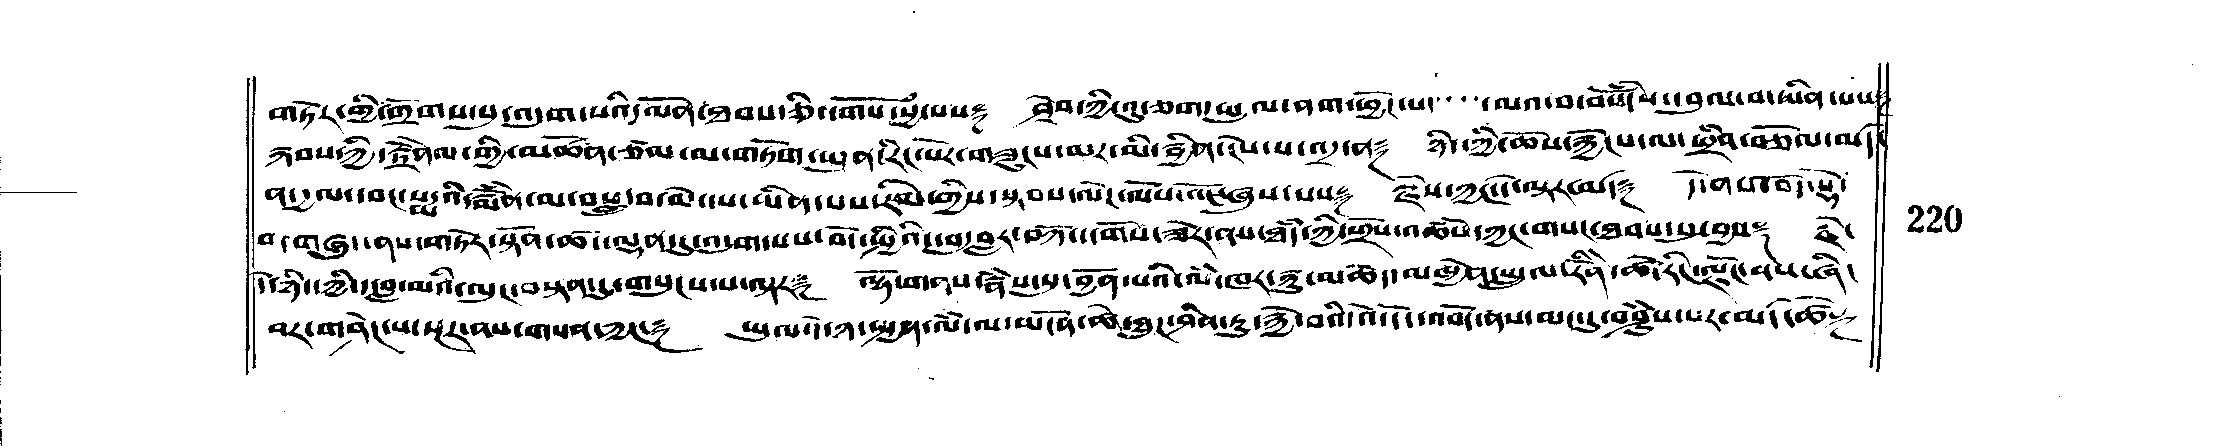གཏེར་གྱི་གྲོགས་སུ་འདུག་པས་ལོན་ཐབས་ཅི་དགོས་གསུངས་པས། ཤེས་རབ་ཀྱི་འུ་ཅག་ཡུལ་ནག་ཕྱོགས་ས་དམའ་བ་བསོད་ནམས་དབུལ་བ་ཡིན་པས། 
སྐབས་ཀྱི་རྟེན་འབྲེལ་གྱི་མཚོན་ཙམ་མ་གཏོགས་ཡུན་རིང་པོར་གཟུངས་མར་མི་སྦྱིན་ངེས་པ་འདྲ་ན། ཉིད་ཀྱི་ཆོས་སྐྱོང་ལ་ཕྲིན་བཅོལ་མཛད་
ན་རྒྱལ་དབང་པདྨའི་སྨོན་ལམ་ལ་བསླུ་བ་མེད་པ་ཡིན་པས་རིམ་གྱིས་སྟབས་ལེགས་ལོས་འོང་ཞུས་པས། རྗེས་ཀྱང་དེ་ལྟར་མཛད། དེ་ནས་བོད་སྡེ་
པ་གཞུང་ནས་གཏེར་སྟོན་ཚད་ལྡན་དུ་འདུག་པས་བོད་སྤྱིའི་དབུ་བླར་བཀོད་དགོས་ཟེར་ནས་ཐམས་ཅད་ཀྱི་གྲོས་འཆམས་ཀྱང་གསང་ཐབས་སུ་བྱས། རྗེ་
དེ་ཉིད་ཀྱི་ད་བླ་མའི་ལུང་བསྟན་དུ་གསུངས་པ་ལྟར། ལྷོ་གནས་རྣམས་སུ་བྱོན་པའི་ལམ་ཁར་སྐུ་མཆེད་མཁྱེན་སྤྲུལ་རིན་པོ་ཆེ་ཚེ་རིང་ལྗོངས་ནས་ཞི་
བར་གཤེགས་པ་སྔར་ནས་གསན་ཀྱང་།ཡུལ་དེ་ཀ་སྤྱན་ལམ་ལ་མངོན་ཚེ་ཐུགས་ཤིན་ཏུ་སྐྱོ་བའི་འོ་དོད་འབོད་ནས་མང་དུ་བཤུམས་པར་མཛད་ཚེ།